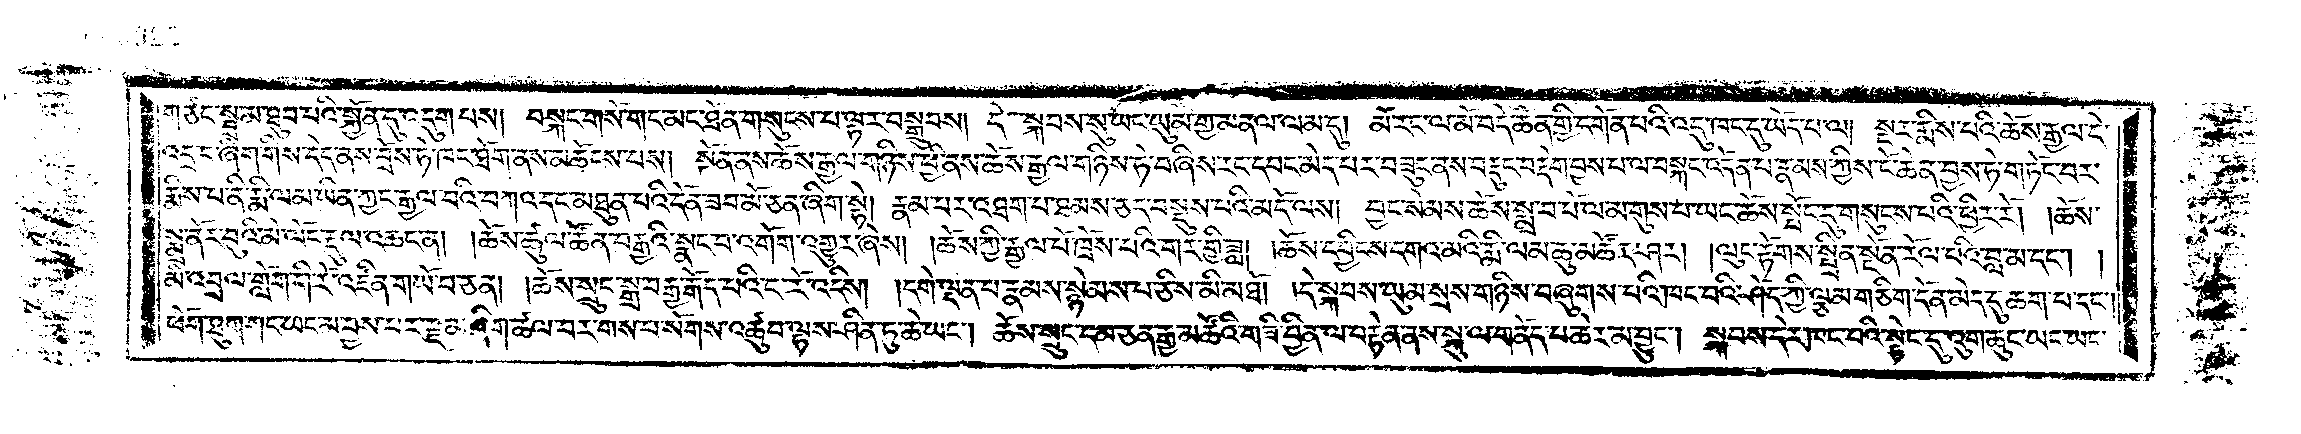གཙང་སྦྲ་མ་ཐུབ་པའི་སྐྱོན་དུ་འདུག་པས། བསྐང་གསོ་གང་མང་ཐོན་གསུངས་པ་ལྟར་བསྒྲུབས། དེ་སྐབས་སུ་ཡང་ཡུམ་གྱི་མནལ་ལམ་དུ། མོ་རང་ལ་མོ་བདེ་ཆེན་གྱི་དགོན་པའི་འདུ་ཁང་དུ་ཡོད་པ་ལ། སྔར་རྨིས་པའི་ཆོས་རྒྱལ་དེ་
འདྲ་བ་ཞིག་གིས་དེད་ནས་བྲོས་ཏེ་ཁང་ཐོག་ནས་མཆོངས་པས། སྟོན་ནས་ཆོས་རྒྱལ་གཉིས་ཕྱི་ནས་ཆོས་རྒྱལ་གཉིས་ཏེ་བཞིས་རང་དབང་མེད་པར་བཟུང་ནས་བརྡུང་བརྡེག་བྱས་པ་ལ་བསྐང་འདོན་པ་རྣམས་ཀྱིས་ངོ་ཆེན་བྱས་ཏེ་གཏོང་བར་
རྨིས་པ་ནི་རྨི་ལམ་ཡིན་ཀྱང་རྒྱལ་བའི་བཀའ་དང་མཐུན་པའི་དོན་ཟབ་མོ་ཅན་ཞིག་སྟེ། རྣམ་པར་འཐག་པ་ཐམས་ཅད་བསྡུས་པའི་མདོ་ལས། བྱང་སེམས་ཆོས་སྨྲ་བ་པོ་ལ་མ་གུས་པ་ཡང་ཆོས་སྤོང་དུ་གསུངས་པའི་ཕྱིར་རོ། །ཆོས་
སྨྲ་ནོར་བུའི་མེ་ལོང་རྡུལ་འཆང་ན། །ཆོས་ཚུལ་ཚོན་བརྒྱའི་སྣང་བ་འགོག་འགྱུར་ཞེས། །ཆོས་ཀྱི་རྒྱལ་པོ་ཁྲོས་པའི་གར་གྱི་ཟླ། །ཆོས་དབྱིངས་དགའ་མའི་རྨི་ལམ་ཆུ་མཚོར་ཤར། །ལུང་རྟོགས་སྤྲིན་སྔོན་རོལ་པའི་བླ་མ་དང་། །
མི་འབྲལ་གློག་གི་རོ་འཛིན་གཡོ་བ་ཅན། །ཆོས་སྲུང་སྒྲ་བརྒྱ་རྒོད་པའི་ང་རོ་འདིས། །དགེ་ལྡན་པ་རྣམས་སྙེམས་པ་ཅིས་མི་མཐོ། །དེ་སྐབས་ཡུམ་སྲས་གཉིས་བཞུགས་པའི་ཁང་བའི་ཤོད་ཀྱི་ལྕམ་གཅིག་དོན་མེད་དུ་ཆག་པ་དང་།
ཕོག་ཐུག་གང་ཡང་མ་བྱས་པར་རྫ་མ་ཞིག་ཚལ་བར་གས་བ་སོགས་འཚུབ་ལྟས་ཤིན་ཏུ་ཆེ་ཡང་། ཆོས་སྲུང་དམ་ཅན་རྒྱ་མཚོའི་གཟི་བྱིན་ལ་བརྟེན་ནས་སྐུ་ལ་གནོད་པ་ཆེར་མ་བྱུང་། སྐབས་དེར་ཁང་བའི་སྟེང་དུ་འུག་ཆུང་ཡང་ཡང་